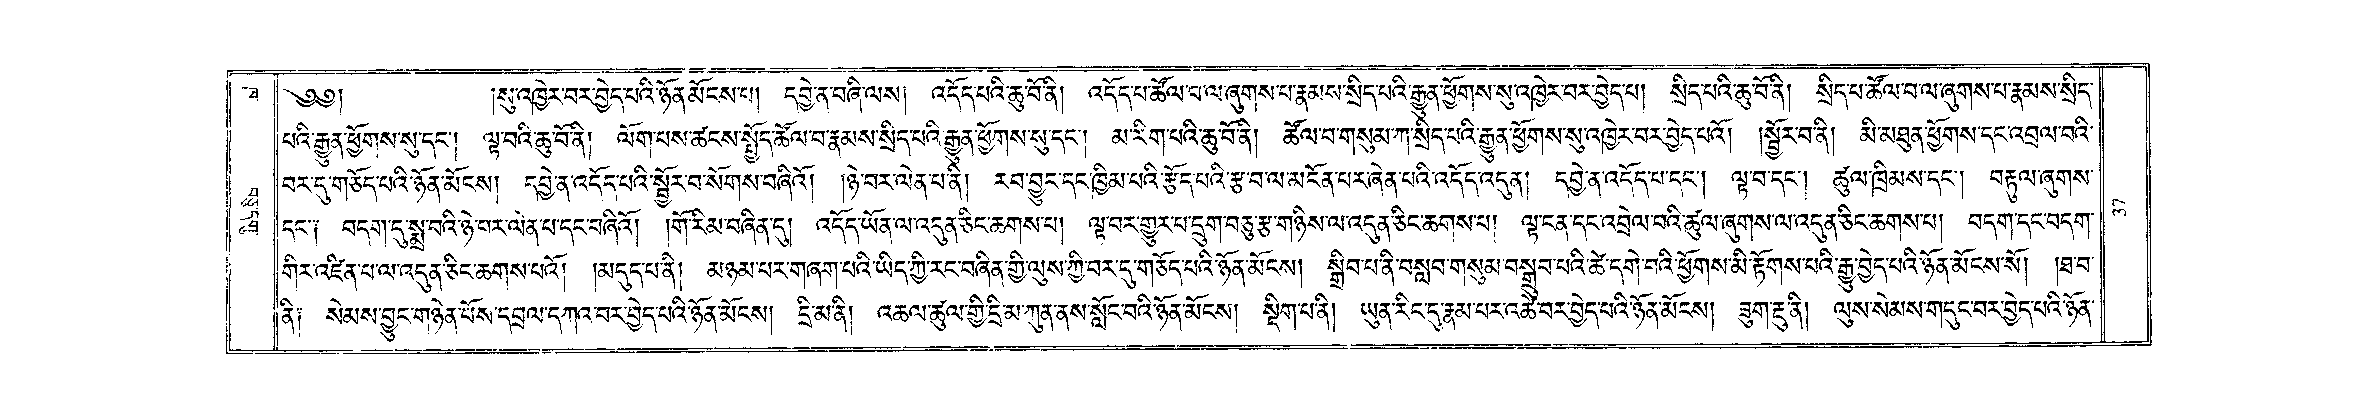༄༅། །སུ་འཁྱེར་བར་བྱེད་པའི་ཉོན་མོངས་པ། དབྱེ་ན་བཞི་ལས། འདོད་པའི་ཆུ་བོ་ནི། འདོད་པ་ཚོལ་པ་ལ་ཞུགས་པ་རྣམས་སྲིད་པའི་རྒྱུན་ཕྱོགས་སུ་འཁྱེར་བར་བྱེད་པ། སྲིད་པའི་ཆུ་བོ་ནི། སྲིད་པ་ཚོལ་བ་ལ་ཞུགས་པ་རྣམས་སྲིད་
པའི་རྒྱུན་ཕྱོགས་སུ་དང་། ལྟ་བའི་ཆུ་བོ་ནི། ལོག་པས་ཚངས་སྤྱོད་ཚོལ་བ་རྣམས་སྲིད་པའི་རྒྱུན་ཕྱོགས་སུ་དང་། མ་རིག་པའི་ཆུ་བོ་ནི། ཚོལ་བ་གསུམ་ཀ་སྲིད་པའི་རྒྱུན་ཕྱོགས་སུ་འཁྱེར་བར་བྱེད་པའོ། །སྦྱོར་བ་ནི། མི་མཐུན་ཕྱོགས་དང་འབྲལ་བའི་
བར་དུ་གཅོད་པའི་ཉོན་མོངས། དབྱེ་ན་འདོད་པའི་སྦྱོར་བ་སོགས་བཞིའོ། །ཉེ་བར་ལེན་པ་ནི། རབ་བྱུང་དང་ཁྱིམ་པའི་རྩོད་པའི་རྩ་བ་ལ་མངོན་པར་ཞེན་པའི་འདོད་འདུན། དབྱེ་ན་འདོད་པ་དང་། ལྟ་བ་དང་། ཚུལ་ཁྲིམས་དང་། བརྟུལ་ཞུགས་
དང༑ བདག་དུ་སྨྲ་བའི་ཉེ་བར་ལེན་པ་དང་བཞིའོ། །གོ་རིམ་བཞིན་དུ། འདོད་ཡོན་ལ་འདུན་ཅིང་ཆགས་པ། ལྟ་བར་གྱུར་པ་དྲུག་བཅུ་རྩ་གཉིས་ལ་འདུན་ཅིང་ཆགས་པ། ལྟ་ངན་དང་འབྲེལ་བའི་ཚུལ་ཞུགས་ལ་འདུན་ཅིང་ཆགས་པ། བདག་དང་བདག་
གིར་འཛིན་པ་ལ་འདུན་ཅིང་ཆགས་པའོ། །མདུད་པ་ནི། མཉམ་པར་གཞག་པའི་ཡིད་ཀྱི་རང་བཞིན་གྱི་ལུས་ཀྱི་བར་དུ་གཅོད་པའི་ཉོན་མོངས། སྒྲིབ་པ་ནི་བསླབ་གསུམ་བསྒྲུབ་པའི་ཚེ་དགེ་བའི་ཕྱོགས་མི་རྟོགས་པའི་རྒྱུ་བྱེད་པའི་ཉོན་མོངས་སོ། །ཐ་བ་
ནི༑ སེམས་བྱུང་གཉེན་པོས་དབྲལ་དཀའ་བར་བྱེད་པའི་ཉོན་མོངས། དྲི་མ་ནི། འཆལ་ཚུལ་གྱི་དྲི་མ་ཀུན་ནས་སློང་བའི་ཉོན་མོངས། སྡིག་པ་ནི། ཡུན་རིང་དུ་རྣམ་པར་འཚེ་བར་བྱེད་པའི་ཉོན་མོངས། ཟུག་རྔུ་ནི། ལུས་སེམས་གདུང་བར་བྱེད་པའི་ཉོན་